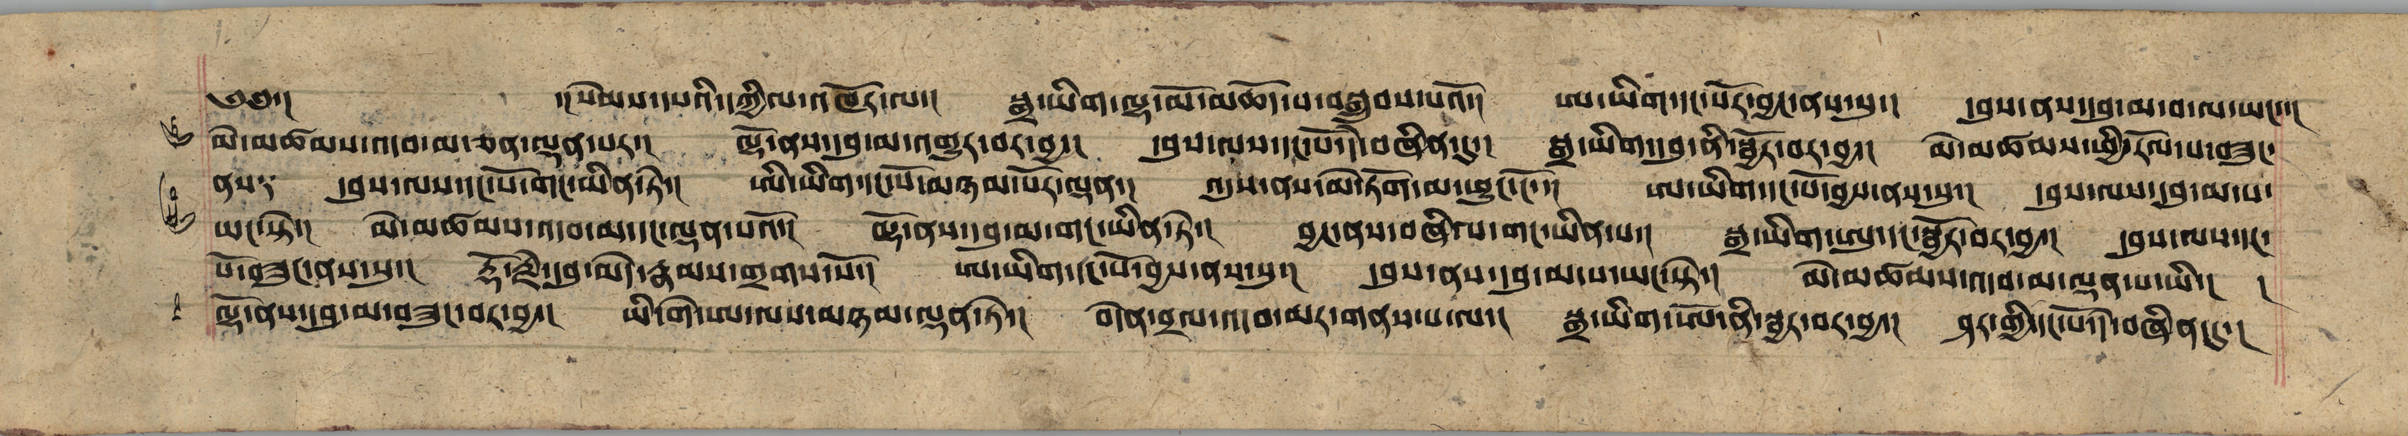༄༅་། ་།སེམས་དཔའི་དཀྱིལ་འཁོར་ལ་། སྒྲ་ཡིག་ལྷ་མོ་མཆོད་པ་བསྒྲུབས་པའོ་། ཨ་ཡིག་དང་པོར་བྱང་ནས་སུ་། དབུས་ནས་དབུ་མ་བ་ལ་ཡང་་།
མེ་མཚམས་འདབ་མ་ཅན་ལྡན་པར། ལྷོ་ནས་དབུ་མ་འགྱུར་བར་བྱ་། དབུས་ལས་དང་པོ་དེ་བཞིན་དུ་། སྒྲ་ཡིག་དབུ་ནི་སྦྱོར་བར་བྱ་། མེ་མཚམས་ཕྱི་རོལ་ས་བཟུང་
ནས༑ དབུས་ལས་དང་པོ་གང་ཡིན་ཏེ་། ཨི་ཡིག་དང་པོ་མཉམ་པོར་ལྡན་། འདུས་ནས་མེ་ཏོག་མ་ཕྱུང་ངོ་་། ཨ་ཡིག་དང་པོ་བྱས་ནས་སུ་། དབུས་ལས་དབུ་མ་ས་
ཡང་སྟེ་། མེ་མཚམས་འདབ་མ་དང་ལྡན་པའོ་། ལྷོ་ནས་དབུ་མ་གང་ཡིན་ཏེ་། བྱང་ནས་བཞི་པ་གང་ཡིན་པ་། སྒྲ་ཡིག་ཨུ་དང་སྦྱོར་བར་བྱ་། དབུས་ལས་དང་
པོ་བཟུང་ནས་སུ་། རྡོ་རྗེ་དབུ་མེད་རྣམས་གྲགས་སོ་། ཨ་ཡིག་དང་པོ་བྱས་ནས་སུ་། དབུས་ནས་དབུ་མ་པ་ཡང་སྟེ་། མེ་མཚམས་འདབ་མ་ལྡན་པ་ཡི་།
ལྷོ་ནས་དབུ་མ་བཟུང་བར་བྱ་། ཡི་གེ་ཨ་ལས་མཉམ་ལྡན་ཏེ་། བདེན་བྲལ་འདབ་མར་གནས་པ་ལ་། སྒྲ་ཡིག་ཨོ་ནི་སྦྱར་བར་བྱ་། ཤར་གྱི་དང་པོ་དེ་བཞིན་དུ་།